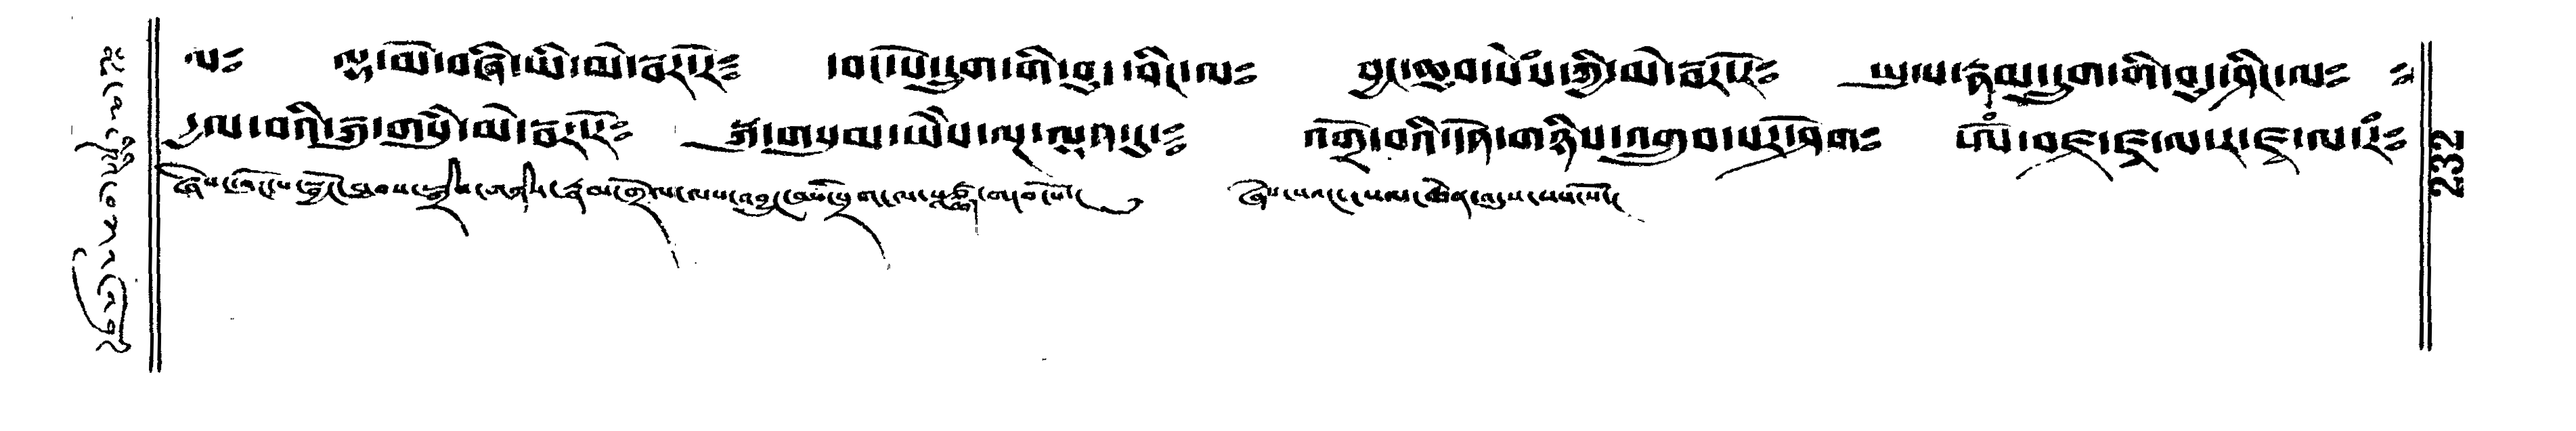ལཿ ལྷ་མོ་བཞི་ཡི་མེ་སྦར་རོཿ དབང་པོ་དྲུག་གི་བུད་ཤིང་ལཿ བྱང་ཆུབ་སེམས་ཀྱི་མེ་སྦར་རོཿ ཡུལ་རྣམ་དྲུག་གི་བུད་ཤིང་ལཿ 
རྒྱལ་བའི་སྐུ་གསུམ་མེ་སྦར་རོཿ སྐུ་གསུམ་ཡེ་ཤེས་ལྔ་ལྡན་དུཿ འགྲོ་བའི་དོན་གཉིས་གྲུབ་པར་ཤོགཿ ཨོཾ་བཛྲ་ཛྭ་ལ་ར་ཛྭ་ལ་རཾཿ 
ཞེས་ཕུང་པོ་སྦྱོང་ཐབས་སྒྲིབ་གཉིས་རྣམ་གྲོལ་ལས་འབྱུང་བས་བསྲེགས་ལ་སཱཙྪ་གདབ་པོ། ཞེས་པའང་དཔལ་ཆེན་འདུས་པས་སོ། དགེའོ།།